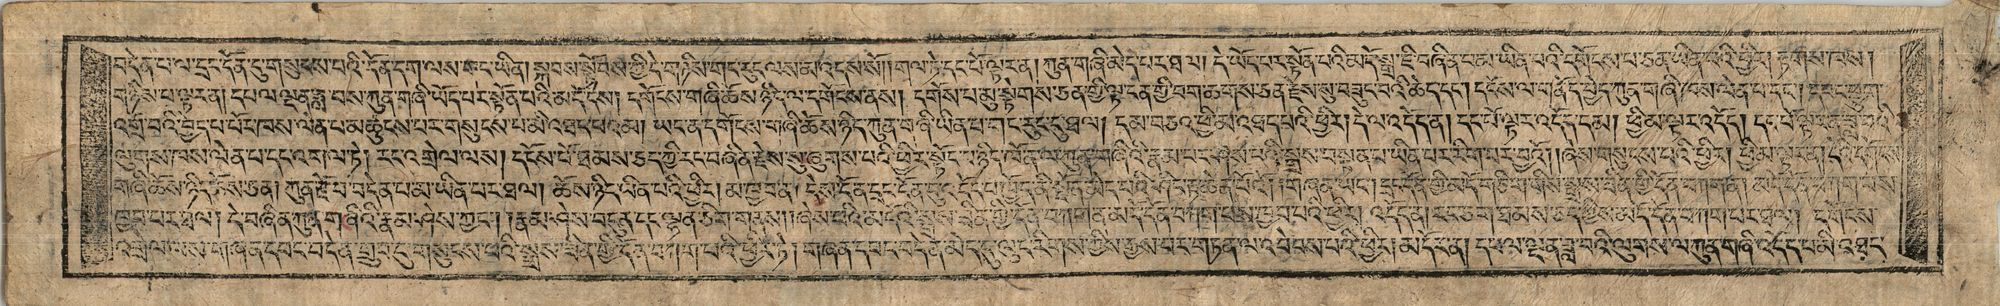བདེན་པ་ལ་དྲང་དོན་དུ་གསུངས་པའི་དོན་དག་ལས་གང་ཡིན། སྐབས་སྟོབས་ཀྱི་དེ་གཉིས་གང་རུང་ལས་མ་འདས་སོ། །གལ་ཏེ་དང་པོ་ལྟར་ན། ཀུན་གཞི་མེད་པར་ཐལ། དེ་ཡོད་པར་སྟོན་པའི་མདོ་སྒྲ་ཇི་བཞིན་པ་མ་ཡིན་པའི་དགོངས་པ་ཅན་ཡིན་པའི་ཕྱིར། རྟགས་ཁས།
གཉིས་པ་ལྟར་ན། དཔལ་ལྡན་ཟླ་བས་ཀུན་གཞི་ཡོད་པར་སྟོན་པའི་མདོ་དེས། དགོངས་གཞི་ཆོས་ཉིད་ལ་དགོངས་ནས། དགོས་པ་མུ་སྟེགས་ཅན་གྱི་ལྟ་ངན་གྱི་བག་ཆགས་ཅན་རྗེས་སུ་བཟུང་བའི་ཆེད་དང་། དངོས་ལ་གནོད་བྱེད་ཀུན་གཞི་ཁས་ལེན་པ་དང་། དབང་ཕྱུག་
འགྲོ་བའི་བྱེད་པ་པོར་ཁས་ལེན་པ་མཚུངས་པར་གསུངས་པ་མི་འཐད་པའམ། ཡང་ན་དགོངས་གཞི་ཆོས་ཉིད་ཀུན་གཞི་ཡིན་པ་གང་རུང་དུ་ཐལ། དམ་བཅའ་ཕྱི་མ་འཐད་པའི་ཕྱིར། དེ་ལ་འདོད་ན། དང་པོ་ལྟར་འདོད་དམ། ཕྱི་མ་ལྟར་འདོད། དང་པོ་ལྟར་ན་ཟླ་བའི་
ལུགས་ཁས་ལེན་པ་དང་འགལ་ཏེ། རང་འགྲེལ་ལས། དངོས་པོ་ཐམས་ཅད་ཀྱི་རང་བཞིན་རྗེས་སུ་ཞུགས་པའི་ཕྱིར་སྟོང་པ་ཉིད་ཁོ་ན་ལ་ཀུན་གཞིའི་རྣམ་པར་ཤེས་པའི་སྒྲས་བསྟན་པ་ཡིན་པར་རིག་པར་བྱའོ། །ཞེས་གསུངས་པའི་ཕྱིར། ཕྱི་མ་ལྟར་ན། དེའི་དགོངས་
གཞི་ཆོས་ཉིད་ཆོས་ཅན། ཀུན་རྫོབ་བདེན་པ་མ་ཡིན་པར་ཐལ། ཆོས་ཉིད་ཡིན་པའི་ཕྱིར། མ་ཁྱབ་ན། ངེས་དོན་དྲང་དོན་དུ་འདོད་པ་ཁྱོད་ནི་སྔོན་མེད་པའི་ཤིང་རྟ་ཆེན་པོའོ། །གཞན་ཡང་། དྲང་དོན་གྱི་མདོ་གཅིག་གིས་སྒྲས་ཟིན་གྱི་དོན་བཀག་ན། མདོ་དོན་བཀག་པས་
ཁྱབ་པར་ཐལ། དེ་བཞིན་ཀུན་གཞིའི་རྣམ་ཤེས་ཀྱང་། །རྣམ་ཤེས་བདུན་དང་ལྷན་ཅིག་གནས། །ཞེས་པའི་མདོའི་སྒྲས་ཟིན་གྱི་དོན་བཀག་ན་མདོ་དོན་བཀག་པས་ཁྱབ་པའི་ཕྱིར། འདོད་ན། རང་ཅག་ཐམས་ཅད་ཀྱིས་མདོ་དོན་བཀག་པར་ཐལ། དགོངས་
འགྲེལ་ལས་གཞན་དབང་བདེན་གྲུབ་དུ་གསུངས་པའི་སྒྲས་ཟིན་གྱི་དོན་བཀག་པའི་ཕྱིར་ཏེ། གཞན་དབང་བདེན་མེད་དུ་ལུང་རིགས་ཀྱིས་རྒྱས་པར་གཏན་ལ་འབེབས་པའི་ཕྱིར། མདོར་ན། དཔལ་ལྡན་ཟླ་བའི་ལུགས་ལ་ཀུན་གཞི་འདོད་པ་མི་འཐད་